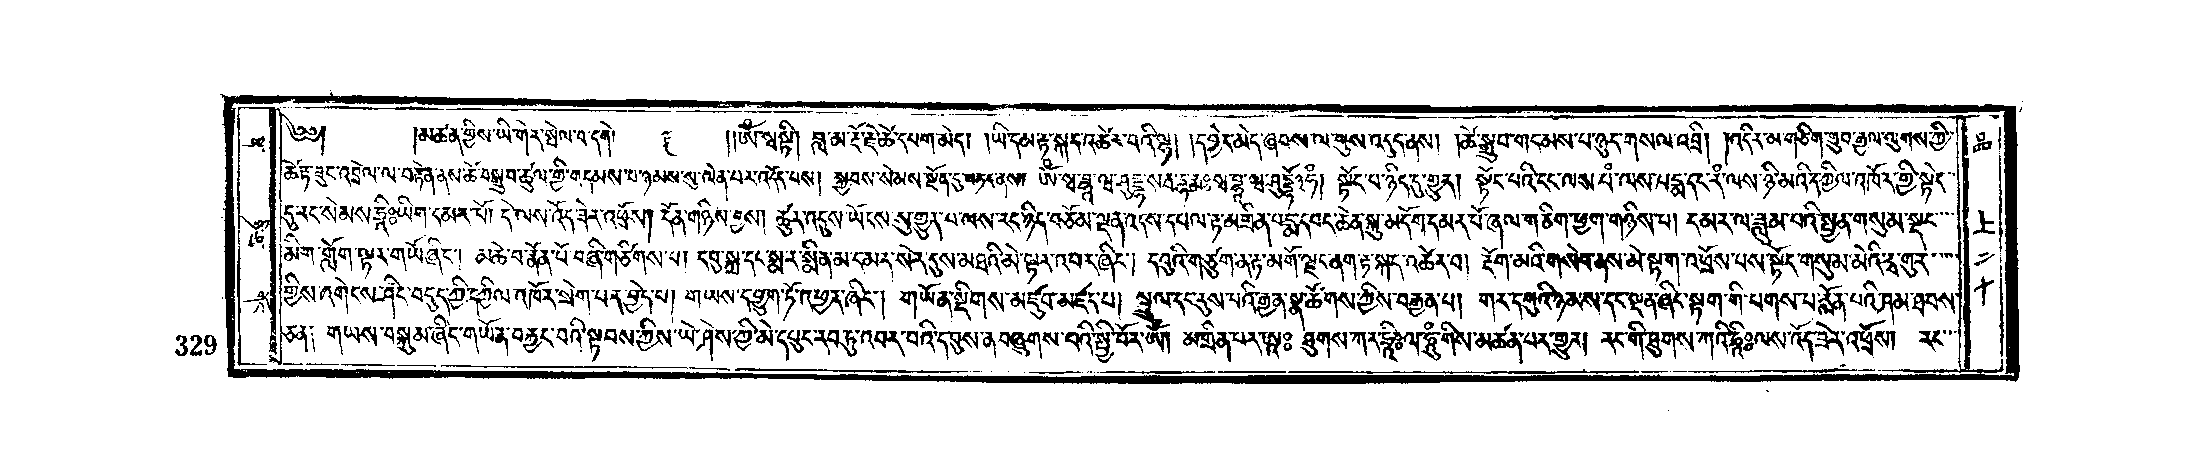བཞིན་གྱི་གནས་ནས་བསྒོམས་པ་དང་འདྲ་བའི་ཡེ་ཤེས་པ་སྤྱན་དྲངས། ཛཿ ཧཱུཾ་བཾ་ཧོཿ དམ་ཚིག་པ་དང་གཉིས་སུ་མེད་པར་གྱུར། སླར་ཡང་ཐུགས་ཀའི་ཧྲཱིཿ ལས་འོད་ཟེར་འཕྲོས་ཏེ་དབང་གི་ལྷ་ཐམས་ཅད་སྤྱན་དྲངས། བདུད་རྩིའི་ཆུས་དབང་བསྐུར་ཞིང་སྣང་བ་མཐའ་
ཡས་ཀྱིས་དབུ་བརྒྱན་པར་གྱུར། མཆོད་པ་བྱིན་གྱིས་བརླབས་ལ། ཨོཾ་ཧ་ཡ་གྲཱི་ཝ་ཨརྒྷཾ་ནས་ཤཔྟ་པྲ་ཏཱི་ཙྪ་ཧཱུཾ་སྭཱཧཱའི་བར་གྱིས་མཆོད། ནང་མཆོད་ཀྱང་འབུལ། རབ་འབྱམས་རྒྱལ་བའི་སོར་རྟོག་ཡེ་ཤེས་དངོས། །ལོངས་སྤྱོད་རྫོགས་པ་གསུང་གི་རང་གདངས་ལྷ། །གདུག་
པ་འདུལ་བྱེད་གཏུམ་ཆེན་ཁྲོ་བོའི་རྒྱལ། །པདམ་དབང་ཆེན་ཞབས་ལ་ཕྱག་འཚལ་བསྟོད། །ཅེས་པས་བསྟོད། རང་གི་ཐུགས་ཀར་ཧྲཱིཿ ཡིག་གི་མཐར་སྔགས་ཀྱི་ཕྲེང་བས་བསྐོར་བ་ལས་འོད་ཟེར་འཕྲོས་པས་གདོན་གསུམ་གྱི་ཉེར་འཚེ་ཐམས་ཅད་བཅོམ་ཞིང་། རྒྱལ་བ་
སྲས་བཅས་ཀྱི་བྱིན་རླབས་མ་ལུས་པ་བསྡུས་ཏེ་ཐིམ་པར་བསམས་ལ། ཨོཾ་བཛྲ་ཀྲོ་དྷ་ཧ་ཡ་གྲཱི་ཝ་ཧུ་ལུ་ཧུ་ལུ་ཧཱུཾ་ཕཊཿ ཅེས་བཟླས་པ་ཅི་འགྲུབ་དང་། མཆོད་བསྟོད་གོང་བཞིན་བྱ། དེ་ནས། རང་ཡི་དམ་རྟ་མགྲིན་དུ་གསལ་བའི་སྙིང་གི་དབུས་སུ་རྩ་བྱས་བཏེགས་པའི་རིན་པོ་
ཆེའི་ཁྲིའི་སྟེང་དུ་སྣ་ཚོགས་པདམ་དང་ཟླ་བའི་གདན། དེའི་སྟེང་དུ་ཧྲཱིཿ ཡིག་དམར་པོ་ཡོངས་སུ་གྱུར་པ་ལས། བཅོམ་ལྡན་འདས་མགོན་པོ་ཚེ་དང་ཡེ་ཤེས་དཔག་ཏུ་མེད་པ་སྐུ་མདོག་དམར་པོ་ཞལ་གཅིག་ཕྱག་གཉིས་མཉམ་གཞག་གི་སྟེང་ན་འཆི་མེད་ཚེའི་བདུད་
རྩིས་གང་བའི་བུམ་པ་བསྣམས་པ། དབུ་སྐྲ་རལ་བའི་ཐོར་ཚུགས་ཅན་མཚན་དང་དཔེ་བྱད་ཀྱིས་སྤྲས་པ་རིན་པོ་ཆེའི་རྒྱན་དང་། དར་སྣ་ཚོགས་ཀྱི་ན་བཟས་ཀླུབས་པ། དྭངས་གསལ་འོད་ཀྱི་རང་བཞིན་ཅན། སྐུ་ལས་སྐྱེས་པའི་འོད་ཀྱི་ཕུང་པོའི་དབུས་ན་